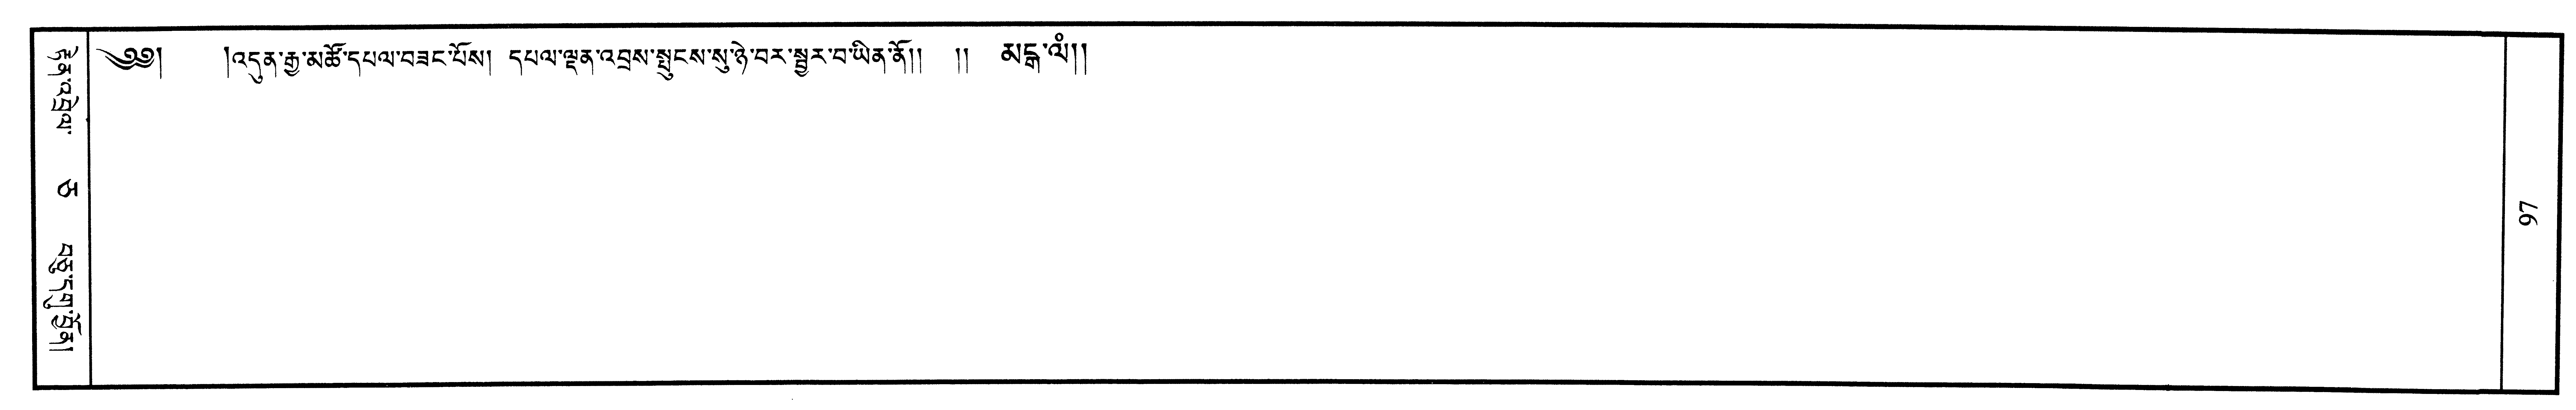༄༅། །འདུན་རྒྱ་མཚོ་དཔལ་བཟང་པོས། དཔལ་ལྡན་འབྲས་སྤུངས་སུ་ཉེ་བར་སྦྱར་བ་ཡིན་ནོ།། །།མངྒ་ལཾ།།